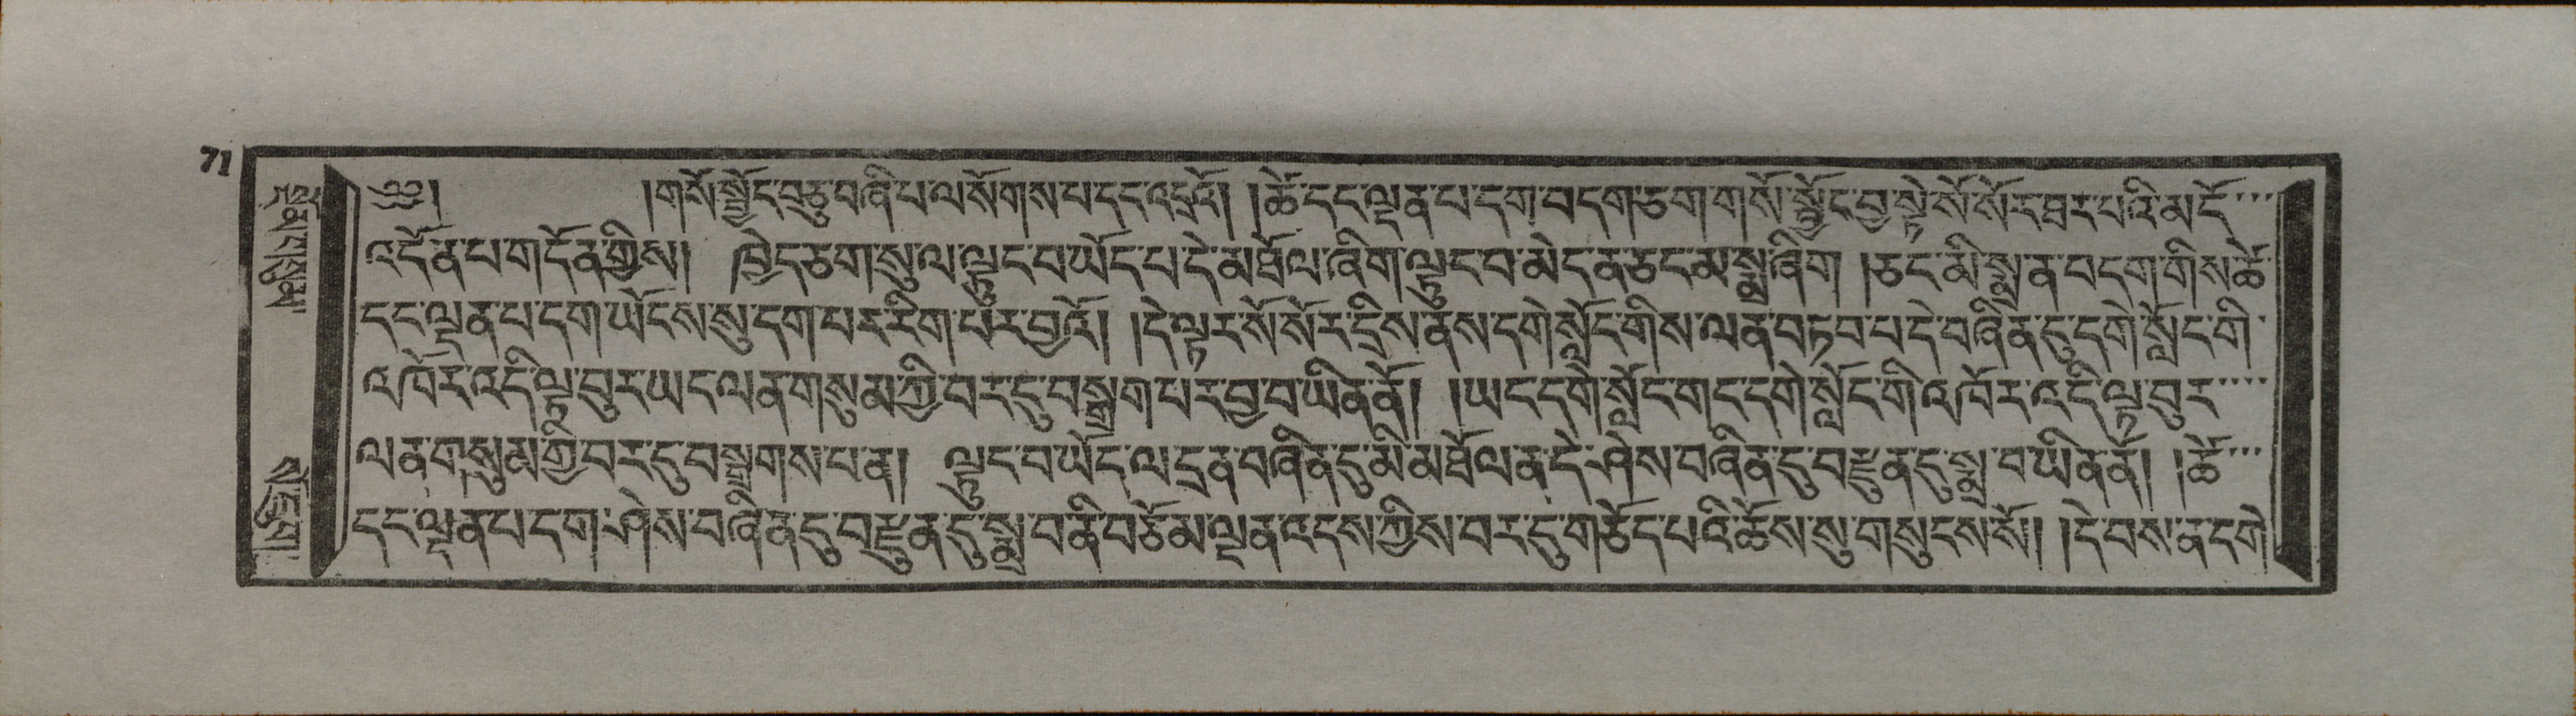༄༅། །གསོ་སྦྱོང་བཅུ་བཞི་པ་ལ་སོགས་པ་དང་འདྲའོ། །ཚེ་དང་ལྡན་པ་དག་བདག་ཅག་གསོ་སྦྱོང་བྱ་སྟེ་སོ་སོར་ཐར་པའི་མདོ་
འདོན་པ་གདོན་གྱིས། ཁྱེད་ཅག་སུ་ལ་ལྟུང་བ་ཡོད་པ་དེ་མཐོལ་ཞིག་ལྟུང་བ་མེད་ན་ཅང་མ་སྨྲ་ཞིག །ཅང་མི་སྨྲ་ན་བདག་གིས་ཚེ་
དང་ལྡན་པ་དག་ཡོངས་སུ་དག་པར་རིག་པར་བྱའོ། །དེ་ལྟར་སོ་སོར་དྲིས་ནས་དགེ་སློང་གིས་ལན་བཏབ་པ་དེ་བཞིན་དུ་དགེ་སློང་གི་
འཁོར་འདི་ལྟ་བུར་ཡང་ལན་གསུམ་ཀྱི་བར་དུ་བསྒྲག་པར་བྱ་བ་ཡིན་ནོ། །ཡང་དགེ་སློང་གང་དགེ་སློང་གི་འཁོར་འདི་ལྟ་བུར་
ལན་གསུམ་གྱི་བར་དུ་བསྒྲགས་པ་ན། ལྟུང་བ་ཡོད་ལ་དྲན་བཞིན་དུ་མི་མཐོལ་ན་དེ་ཤེས་བཞིན་དུ་བརྫུན་དུ་སྨྲ་བ་ཡིན་ནོ། །ཚེ་
དང་ལྡན་པ་དག་ཤེས་བཞིན་དུ་བརྫུན་དུ་སྨྲ་བ་ནི་བཅོམ་ལྡན་འདས་ཀྱིས་བར་དུ་གཅོད་པའི་ཆོས་སུ་གསུངས་སོ། །དེ་བས་ན་དགེ་